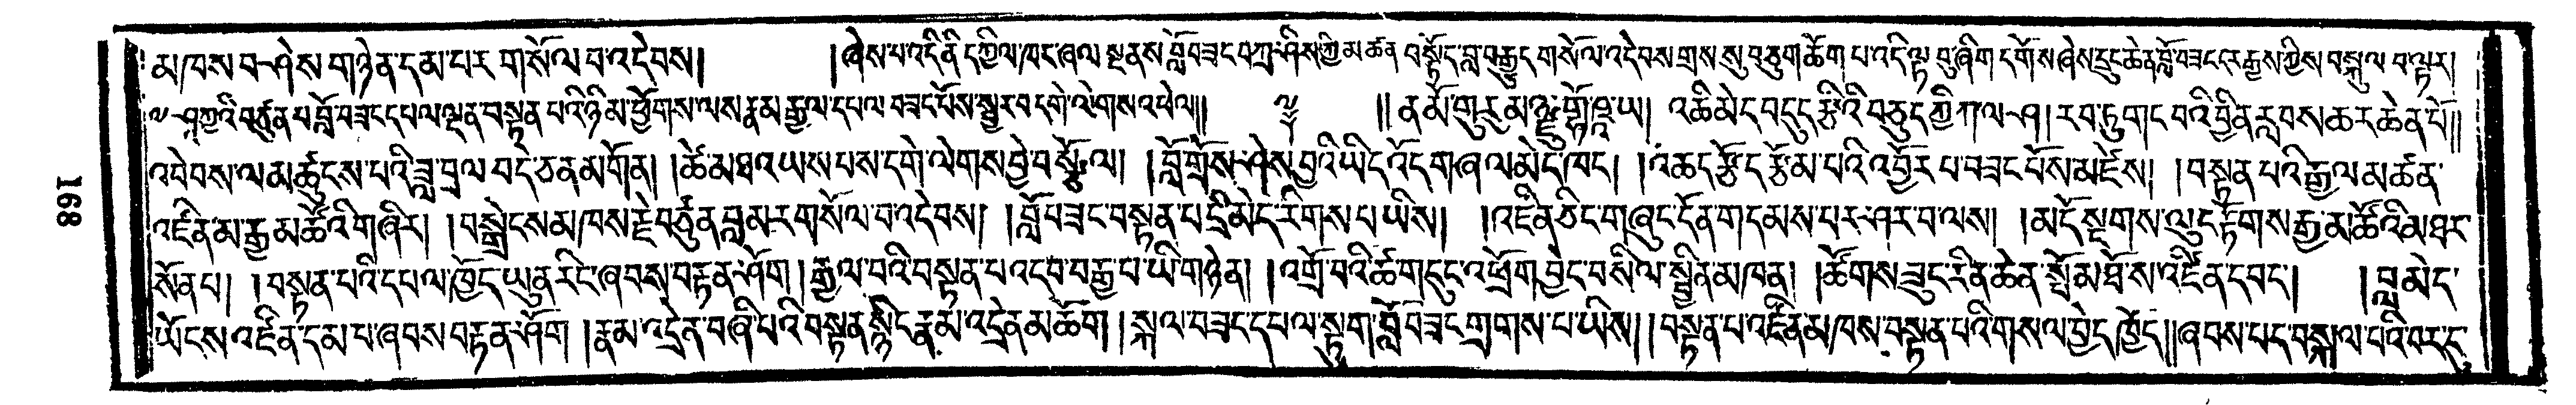མཁས་བཤེས་གཉེན་དམ་པར་གསོལ་བ་འདེབས། །ཞེས་པ་འདི་ནི་དཀྱིལ་ཁང་ཞལ་སྔ་ནས་བློ་བཟང་བཀྲ་ཤིས་ཀྱི་མཚན་བསྟོད་བླ་བརྒྱུད་གསོལ་འདེབས་གྲས་སུ་བཅུག་ཆོག་པ་འདི་ལྟ་བུ་ཞིག་དགོས་ཞེས་དྲུང་ཆེན་བློ་བཟང་ངར་རྒྱས་ཀྱིས་བསྐུལ་བ་ལྟར།
༧་ཤཱཀྱའི་བཙུན་པ་བློ་བཟང་དཔལ་ལྡན་བསྟན་པའི་ཉི་མ་ཕྱོགས་ལས་རྣམ་རྒྱལ་དཔལ་བཟང་པོས་སྦྱར་བ་དགེ་ལེགས་འཕེལ།། ༈ །།ན་མོ་གུ་རུ་མཉྫུ་གྷོཥཱ་ཡ། འཆི་མེད་བདུད་རྩིའི་བཅུད་ཀྱི་ཀ་ལ་ཤ། རབ་ཏུ་གང་བའི་བྱིན་རླབས་ཆར་ཆེན་པོ།།
འབེབས་ལ་མཚུངས་པའི་ཟླ་བྲལ་བདེ་ཅན་མགོན། །ཚེ་མཐའ་ཡས་པས་དགེ་ལེགས་བྱེ་བ་སྩོལ། །བློ་གྲོས་ཤེས་བྱའི་ཡིད་འོད་གཞལ་མེད་ཁང་། །འཆད་རྩོད་རྩོམ་པའི་འབྱོར་པ་བཟང་པོས་མཛེས། །བསྟན་པའི་རྒྱལ་མཚན་
འཛིན་མ་རྒྱ་མཚོའི་གཞིར། །བསྒྲེངས་མཁས་རྗེ་བཙུན་བླ་མར་གསོལ་བ་འདེབས། །བློ་བཟང་བསྟན་པ་དྲི་མེད་རིགས་པ་ཡིས། །འཛིན་ཅིང་གཞུང་དོན་གདམས་པར་ཤར་བ་ལས། །མདོ་སྔགས་ལུང་རྟོགས་རྒྱ་མཚོའི་མཐར་
སོན་པ། །བསྟན་པའི་དཔལ་ཁྱོད་ཡུན་རིང་ཞབས་བརྟན་ཤོག །རྒྱལ་བའི་བསྟན་པ་འདབ་བརྒྱ་པ་ཡི་གཉེན། །འགྲོ་བའི་ཚ་གདུང་འཕྲོག་བྱེད་བསིལ་སྦྱིན་མཁན། །ཚོགས་ཟུང་རིན་ཆེན་སྤོ་མཐོ་ས་འཛིན་དབང་། །བླ་མེད་
ཡོངས་འཛིན་དམ་པ་ཞབས་བརྟན་ཤོག །རྣམ་འདྲེན་བཞི་པའི་བསྟན་སྙིང་རྣམ་འདྲེན་མཆོག །སྐལ་བཟང་དཔལ་སྟུག་བློ་བཟང་གྲགས་པ་ཡིས། །བསྟན་པ་འཛིན་མཁས་བསྟན་པའི་གསལ་བྱེད་ཁྱོད། །ཞབས་པད་བསྐལ་པའི་བར་དུ་